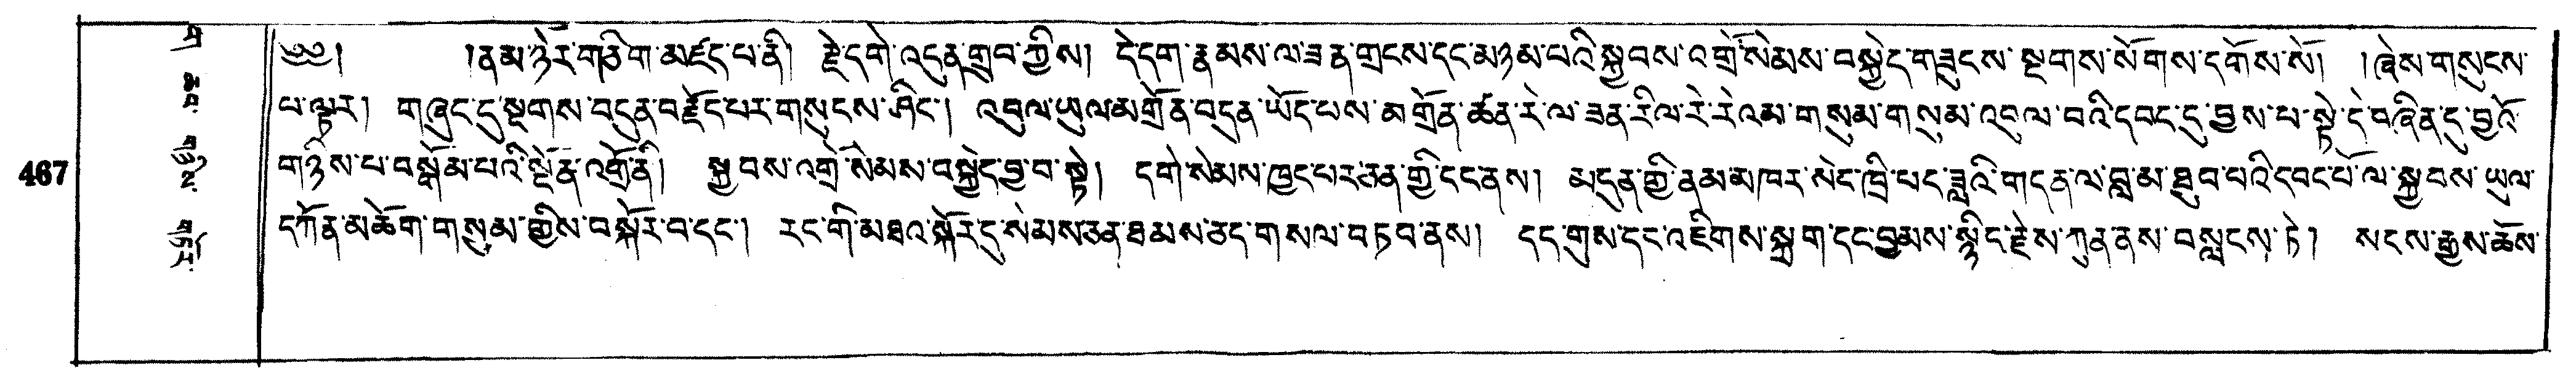༄༅། །ནམ་ཉེར་གཅིག་མཛད་པ་ནི། རྗེ་དགེ་འདུན་གྲུབ་ཀྱིས། དེ་དག་རྣམས་ལ་ཟན་གྲངས་དང་མཉམ་པའི་སྐྱབས་འགྲོ་སེམས་བསྐྱེད་གཟུངས་སྔགས་སོགས་དགོས་སོ། །ཞེས་གསུངས་
པ་ལྟར། གཞུང་དུ་སྔགས་བདུན་བརྗོད་པར་གསུངས་ཤིང་། འབུལ་ཡུལ་མགྲོན་བདུན་ཡོད་པས་མགྲོན་ཚན་རེ་ལ་ཟན་རིལ་རེ་རེའམ་གསུམ་གསུམ་འབུལ་བའི་དབང་དུ་བྱས་པ་སྟེ་དེ་བཞིན་དུ་བྱའོ་
གཉིས་པ་བསྒོམ་པའི་སྔོན་འགྲོ་ནི། སྐྱབས་འགྲོ་སེམས་བསྐྱེད་བྱ་བ་སྟེ། དགེ་སེམས་ཁྱད་པར་ཅན་གྱི་ངང་ནས། མདུན་གྱི་ནམ་མཁར་སེང་ཁྲི་པད་ཟླའི་གདན་ལ་བླ་མ་ཐུབ་པའི་དབང་པོ་ལ་སྐྱབས་ཡུལ་
དཀོན་མཆོག་གསུམ་གྱིས་བསྐོར་བ་དང་། རང་གི་མཐའ་སྐོར་དུ་སེམས་ཅན་ཐམས་ཅད་གསལ་བཏབ་ནས། དད་གུས་དང་འཇིགས་སྐྲག་དང་བྱམས་སྙིང་རྗེས་ཀུན་ནས་བསླངས་ཏེ། སངས་རྒྱས་ཆོས་